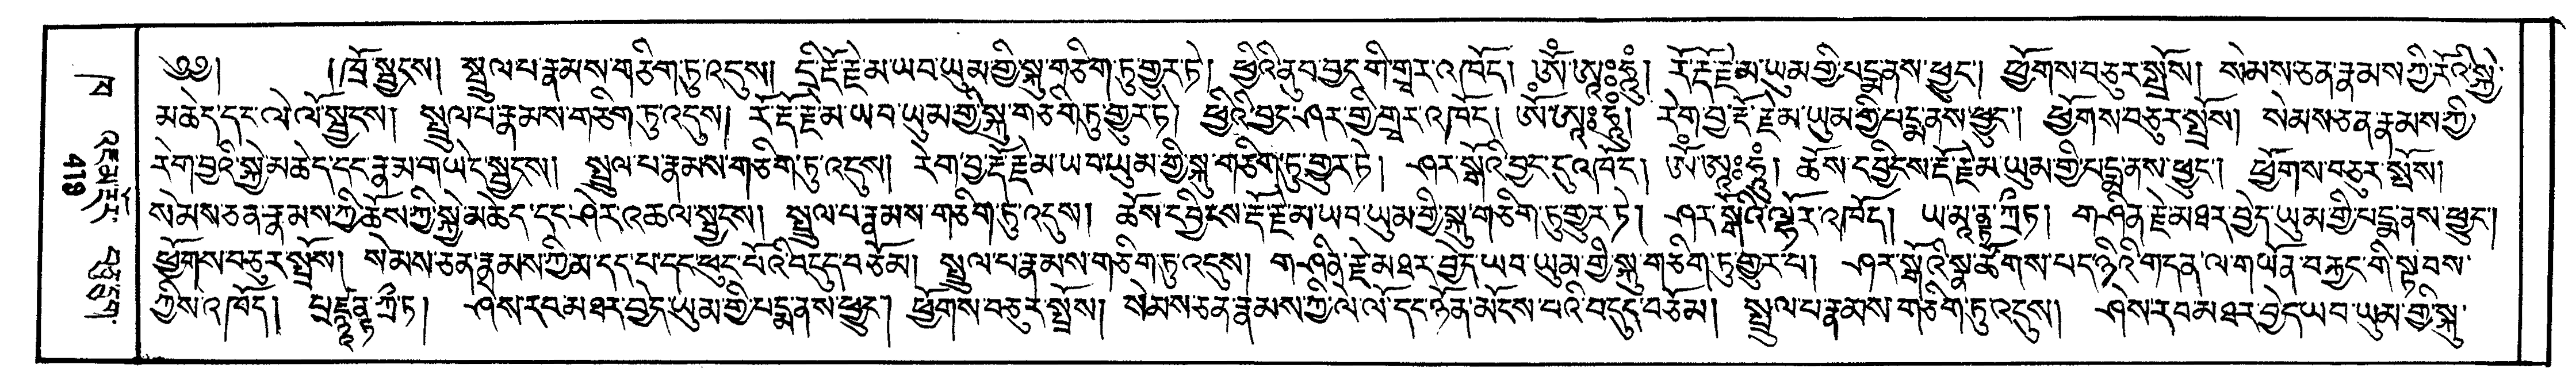༄༅། །ཁྲོ་སྦྱངས། སྤྲུལ་པ་རྣམས་གཅིག་ཏུ་འདུས། དྲི་རྡོ་རྗེ་མ་ཡབ་ཡུམ་གྱི་སྐུ་གཅིག་ཏུ་གྱུར་ཏེ། ཕྱིའི་ནུབ་བྱང་གི་གྲྭར་འཁོད། ཨོཾ་ཨཱཿ ཧཱུཾ། རོ་རྡོ་རྗེ་མ་ཡུམ་གྱི་པདམ་ནས་ཕྱུང་། ཕྱོགས་བཅུར་སྤྲོས། སེམས་ཅན་རྣམས་ཀྱི་རོའི་སྐྱེ་
མཆེད་དང་ལེ་ལོ་སྦྱངས། སྤྲུལ་བ་རྣམས་གཅིག་ཏུ་འདུས། རོ་རྡོ་རྗེ་མ་ཡབ་ཡུམ་གྱི་སྐུ་གཅིག་ཏུ་གྱུར་ཏེ། ཕྱིའི་བྱང་ཤར་གྱི་གྲྭར་འཁོད། ཨོཾ་ཨཱཿ ཧཱུཾ། རེག་བྱ་རྡོ་རྗེ་མ་ཡུམ་གྱི་པདམ་ནས་ཕྱུང་། ཕྱོགས་བཅུར་སྤྲོས། སེམས་ཅན་རྣམས་ཀྱི་
རེག་བྱའི་སྐྱེ་མཆེད་དང་རྣམ་གཡེང་སྦྱངས། སྦྲུལ་པ་རྣམས་གཅིག་ཏུ་འདུས། རེག་བྱ་རྡོ་རྗེ་མ་ཡབ་ཡུམ་གྱི་སྐུ་གཅིག་ཏུ་གྱུར་ཏེ། ཤར་སྒོའི་བྱང་དུ་འཁོད། ཨོཾ་ཨཱཿ ཧཱུཾ། ཆོས་དབྱིངས་རྡོ་རྗེ་མ་ཡུམ་གྱི་པདམ་ནས་ཕྱུང་། ཕྱོགས་བཅུར་སྤྲོས།
སེམས་ཅན་རྣམས་ཀྱི་ཆོས་ཀྱི་སྐྱེ་མཆེད་དང་ཤེར་འཆལ་སྦྱངས། སྤྲུལ་པ་རྣམས་གཅིག་ཏུ་འདུས། ཆོས་དབྱིངས་རྡོ་རྗེ་མ་ཡབ་ཡུམ་གྱི་སྐུ་གཅིག་ཏུ་གྱུར་ཏེ། ཤར་སྒོའི་ལྷོར་འཁོད། ཡ་མཱནྟ་ཀྲྀཏ། གཤིན་རྗེ་མཐར་བྱེད་ཡུམ་གྱི་པདམ་ནས་ཕྱུང་།
ཕྱོགས་བཅུར་སྤྲོས། སེམས་ཅན་རྣམས་ཀྱི་མ་དད་པ་དང་ཕུང་པོའི་བདུད་བཅོམ། སྤྲུལ་པ་རྣམས་གཅིག་ཏུ་འདུས། གཤིན་རྗེ་མཐར་བྱེད་ཡབ་ཡུམ་གྱི་སྐུ་གཅིག་ཏུ་གྱུར་པ། ཤར་སྐོའི་སྣ་ཚོགས་པད་ཉིའི་གདན་ལ་གཡོན་བརྐྱང་གི་སྟབས་
ཀྱིས་འཁོད། པྲཛྙཱནྟ་ཀྲྀཏ། ཤེས་རབ་མཐར་བྱེད་ཡུམ་གྱི་པདམ་ནས་ཕྱུང་། ཕྱོགས་བཅུར་སྤྲོས། སེམས་ཅན་རྣམས་ཀྱི་ལེ་ལོ་དང་ཉོན་མོངས་པའི་བདུད་བཅོམ། སྤྲུལ་པ་རྣམས་གཅིག་ཏུ་འདུས། ཤེས་རབ་མཐར་བྱེད་ཡབ་ཡུམ་གྱི་སྐུ་